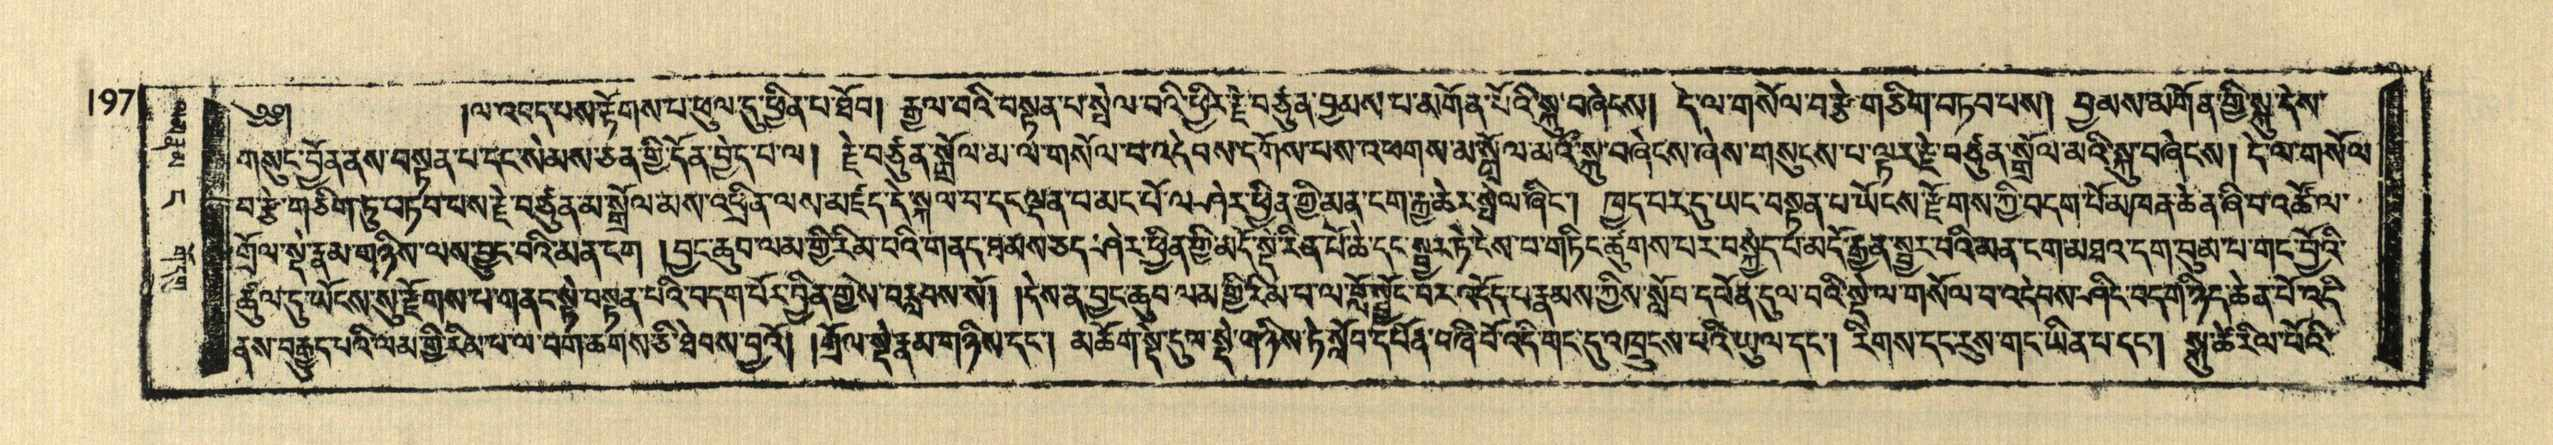༄༅། །ལ་འབད་པས་རྟོགས་པ་ཕུལ་དུ་ཕྱིན་པ་ཐོབ། རྒྱལ་བའི་བསྟན་པ་སྤེལ་བའི་ཕྱིར་རྗེ་བཙུན་བྱམས་པ་མགོན་པོའི་སྐུ་བཞེངས། དེ་ལ་གསོལ་བ་རྩེ་གཅིག་བཏབ་པས། བྱམས་མགོན་གྱི་སྐུ་དེས་
གསུང་བྱོན་ནས་བསྟན་པ་དང་སེམས་ཅན་གྱི་དོན་བྱེད་པ་ལ། རྗེ་བཙུན་སྒྲོལ་མ་ལ་གསོལ་བ་འདེབས་དགོས་པས་འཕགས་མ་སྒྲོལ་མའི་སྐུ་བཞེངས་ཞེས་གསུངས་པ་ལྟར་རྗེ་བཙུན་སྒྲོལ་མའི་སྐུ་བཞེངས། དེ་ལ་གསོལ་
བ་རྩེ་གཅིག་ཏུ་བཏབ་པས་རྗེ་བཙུན་མ་སྒྲོལ་མས་འཕྲིན་ལས་མཛད་དེ་སྐལ་བ་དང་ལྡན་པ་མང་པོ་ལ་ཤེར་ཕྱིན་གྱི་མན་ངག་རྒྱ་ཆེར་སྤེལ་ཞིང་། ཁྱད་པར་དུ་ཡང་བསྟན་པ་ཡོངས་རྫོགས་ཀྱི་བདག་པོ་མཁན་ཆེན་ཞི་བ་འཚོ་ལ་
གྲོལ་སྡེ་རྣམ་གཉིས་ལས་བྱུང་བའི་མན་ངག །བྱང་ཆུབ་ལམ་གྱི་རིམ་པའི་གནད་ཐམས་ཅད་ཤེར་ཕྱིན་གྱི་མདོ་སྡེ་རིན་པོ་ཆེ་དང་སྦྱར་ཏེ་ངེས་པ་གཏིང་ཚུགས་པར་བསྐྱེད་པ་མདོ་རྒྱན་སྦྱར་བའི་མན་ངག་མཐའ་དག་བུམ་པ་གང་བྱོའི་
ཚུལ་དུ་ཡོངས་སུ་རྫོགས་པ་གནང་སྟེ་བསྟན་པའི་བདག་པོར་བྱིན་གྱིས་བརླབས་སོ། །དེས་ན་བྱང་ཆུབ་ལམ་གྱི་རིམ་པ་ལ་བློ་སྦྱོང་བར་འདོད་པ་རྣམས་ཀྱིས་སློབ་དཔོན་དུལ་བའི་སྡེ་ལ་གསོལ་བ་འདེབས་ཤིང་བདག་ཉིད་ཆེན་པོ་འདི་
ནས་བརྒྱུད་པའི་ལམ་གྱི་རིམ་པ་ལ་བག་ཆགས་ཅི་ཐེབས་བྱའོ། །གྲོལ་སྡེ་རྣམ་གཉིས་དང་། མཆོག་སྡེ་དུལ་སྡེ་གཉིས་ཏེ་སློབ་དཔོན་བཞི་བོ་འདི་གང་དུ་འཁྲུངས་པའི་ཡུལ་དང་། རིགས་དང་རུས་གང་ཡིན་པ་དང་། སྐུ་ཚེ་རིལ་པོའི་